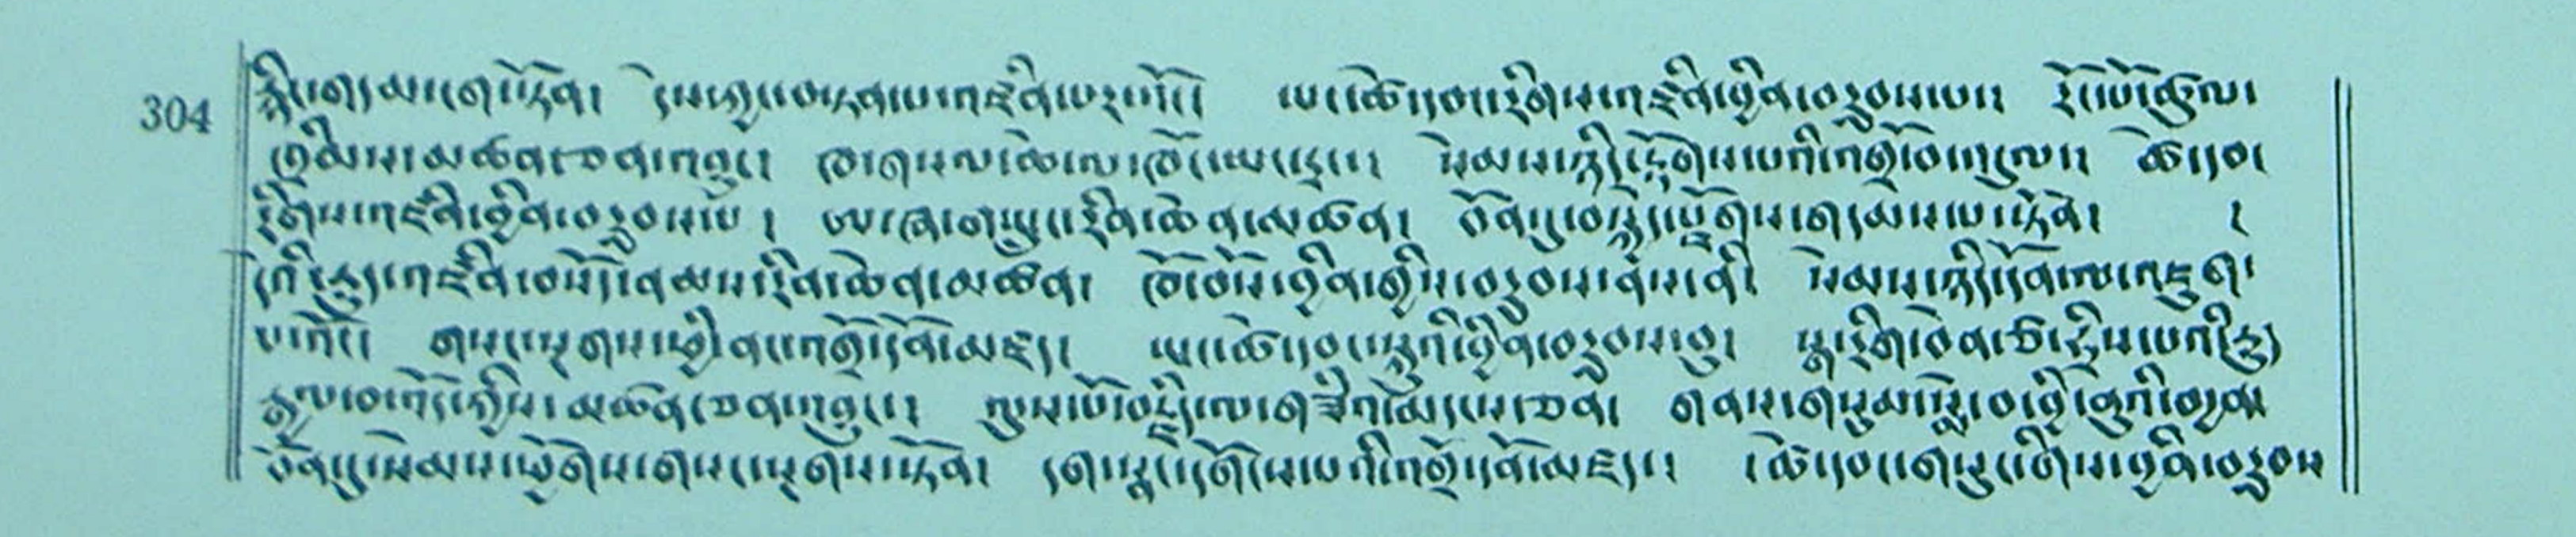རྙིང་གདམས་ངག་སྟོན། དེས་ཀྱང་བསྟན་པ་འཛིན་པར་འོང་། ཚེ་དབང་རིགས་འཛིན་བྱིན་རླབས་པ། རོང་བོ་ཚུལ་
ཁྲིམས་མཚན་ཅན་འབྱུང་། ཁ་གསལ་ཆེ་ལ་ཁོང་ཡང་དྲང་། སེམས་ཉིད་རྟོགས་པའི་འགྲོ་བ་འདུལ། ཚེ་དབང་
རིགས་འཛིན་བྱིན་རླབས་པ། ཨ་ཞ་གཡུང་དྲུང་རིན་ཆེན་མཚན། བོན་དུ་བསྐྱེད་རྫོགས་གདམས་པ་སྟོན། 
དེའི་རྒྱུད་འཛིན་བསོད་ནམས་རིན་ཆེན་མཚན། ཁོ་བོས་བྱིན་གྱིས་རླབས་ནས་ནི། སེམས་ཉིད་དོན་ལ་འཇུག་
པ་འོང་། གསང་སྔགས་ཕྱི་ནང་འགྲོ་དོན་མཛད། ཡང་ཚེ་དབང་སྐུའི་བྱིན་རླབས་བུ། སྒ་རིགས་བེན་ཙ་ཧྲིས་པའི་རྒྱུད། 
རྒྱལ་བ་འོད་ཀྱི་མཚན་ཅན་འབྱུང་། ལུས་པོ་བརྗིད་ལ་གཟི་མདངས་ཅན། གནས་གསུམ་སྨེ་བ་བྱི་ནུས་བརྒྱན། 
བོན་དུ་གསང་སྔགས་སེམས་ཕྱོགས་སྟོན། དག་སྣང་དགོངས་པས་འགྲོ་དོན་མཛད། ཚེ་དབང་གསུང་གི་བྱིན་རླབས་་